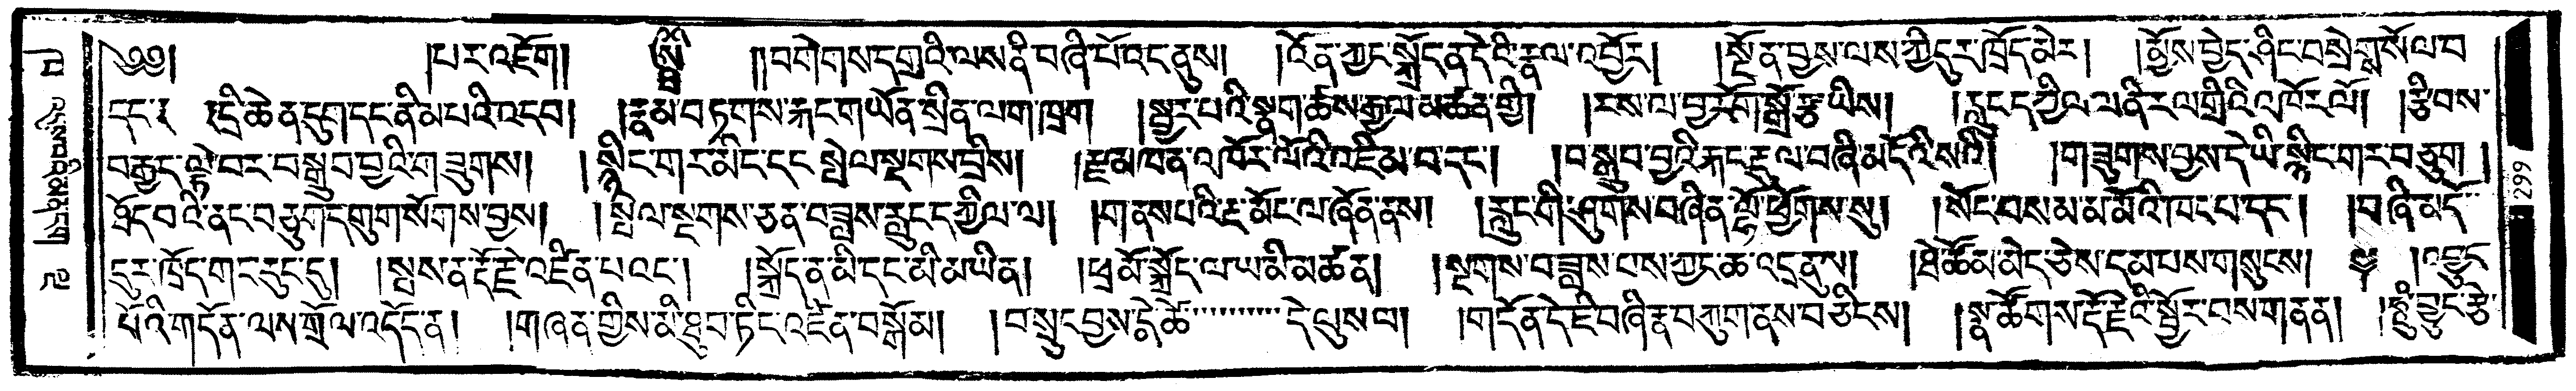༄༅། །པར་འཇོག། ཨྀཐི་།།བགེགས་དགྲའི་ལས་ནི་བཞི་པོ་འང་ནུས། །འོན་ཀྱང་སྐྲོང་ན་དེའི་རྣལ་འབྱོར། །སྔོན་བྱས་ལས་ཀྱི་དུར་ཁྲོད་མེད། །མྱོས་བྱེད་ཤིང་བསྲེགས་སོལ་བ་
དང༑ ༑དྲི་ཆེན་དུག་དང་ནིམ་པའི་འདབ། །རྣམ་བཏགས་རྐང་གཡོན་སྲིན་ལག་ཁྲག །སྦྱར་པའི་སྣག་ཚས་རྒྱལ་མཚན་གྱི། །རས་ལ་བྱ་རོག་སྒྲོ་རྩ་ཡིས། །རླུང་དཀྱིལ་ལ་ནི་རལ་གྲིའི་འཁོར་ལོ། །རྩིབས་
བརྒྱད་ལྟེ་བར་བསྒྲུབ་བྱའི་གཟུགས། །སྙིང་གར་མིང་དང་སྤེལ་སྔགས་བྲིས། །རྫ་མཁན་འཁོར་ལོའི་འཇིམ་པ་དང་། །བསྒྲུབ་བྱའི་རྐང་རྡུལ་བཞི་མདོའི་སའི། །གཟུགས་བྱས་དེ་ཡི་སྙིང་གར་བཅུག །
ཐོད་བའི་ནང་བཅུག་དགུག་སོགས་བྱས། །སྤེལ་སྔགས་ཅན་བཟླས་རླུང་དཀྱིལ་ལ། །གནས་པའི་རྔ་མོང་ལ་ཞོན་ནས། །རླུང་གི་ཤུགས་བཞིན་ལྷོ་ཕྱོགས་སུ། །སོང་བསམ་མ་མོའི་ཁང་པ་དང་། །བཞི་མདོ་
དུར་ཁྲོད་གང་རུང་དུ། །སྤས་ན་རྡོ་རྗེ་འཛིན་པའང་། །སྐྲོད་ན་མི་དང་མི་མ་ཡིན། །ཕྲ་མོ་སྐྲོད་ལ་ཡ་མི་མཚན། །སྔགས་བཟླས་པས་ཀྱང་ཆ་འདྲ་ནུས། །ཐེ་ཚོམ་མེད་ཅེས་དམ་པས་གསུངས། ༈ །འབྱུང་
པོའི་གདོན་ལས་གྲོལ་འདོད་ན། །གཞན་གྱིས་མི་ཐུབ་ཏིང་འཛིན་བསྒོམ། །བསྲུང་བྱས་དེ་ཚེ་དེ་ལུས་ལ། །གདོན་དེ་ཇི་བཞི་རྣ་བཀུག་ནས་བཅིངས། །སྣ་ཚོགས་རྡོ་རྗེའི་སྦྱོར་བས་གནན། །ཧཱུཾ་བྱུང་རྩེ་